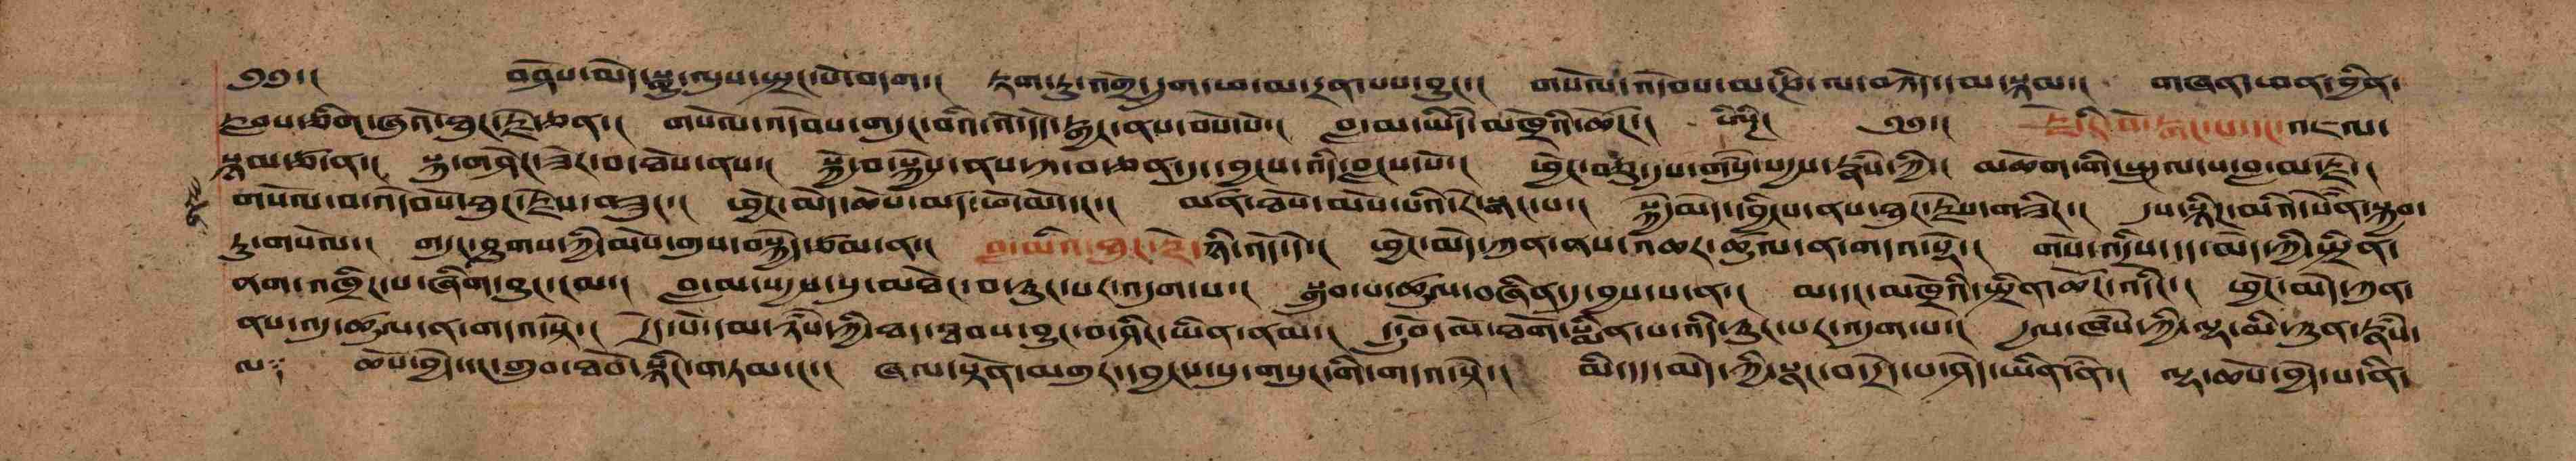༄༅།། བཤེས་མེད་སྒྱུ་ལུས་སྤྲང་པོ་བདག། རྟག་ཏུ་འགྲོ་དྲུག་ཕ་མ་དྲན་པ་བྱུང་།། གསོལ་འདེབས་མ་ཎི་ལ་བཀོད་དམ་སྙམ།། གཞན་ཕན་བྱིན་
རླབས་ཅིག་ཞུའོ་ཐུགས་རྗེ་ཅན།། གསོལ་འདེབས་གདུང་བའི་འོ་དོད་རྒྱང་ནས་བོས་སོ།། བླ་མ་ཡིད་དམ་མཁའ་འགྲོའི་ཚོགས།། ཨིཊི། ༄་། རྗེ་རི་བོ་རྐང་པ་དང་མཇལ་
སྙམ་ཙ་ན། སྐུ་གཤེགས་ཟེར་བ་ཐོས་ནས། སྐྱོ་བ་སྐྱེས་ནས་ཀ་བ་ཅན་དུ་དབྱངས་འདི་བླངས་སོ།། ཕྱོགས་བཅུ་དུས་གསུམ་སངས་རྒྱས་རྣམས་ཀྱི། མཆོག་གི་སྤྲུལ་པ་བླ་མ་རྗེ།། 
གསོལ་བ་འདེབས་སོ་ཐུགས་རྗེས་བཟུང་།། ཕྱོགས་མེད་ཆོས་མཛད་ཕོ་མོ་དང་།། མཚན་ཐོས་མོས་པའི་རེ་སྒང་པ།། སྐྱེ་མེད་དབྱིངས་ནས་ཐུགས་རྗེས་གཟིགས།། དུས་སྙིགས་མའི་སེམས་ཅན་སྐྱབས་
དུ་གསོལ།། གདུང་ཤུགས་ཀྱི་མོས་གུས་བསྐྱེད་ཙམ་ན།། བླ་མའི་ཐུགས་རྗེ་ཉི་འོད་དེ།། ཕྱོགས་མེད་ཀུན་ནས་འཆར་ཚུལ་ན་གདའ་སྟེ།། གོམས་འདྲིས་དད་མེད་ཀྱི་སྤྲིན་
ནག་འཁྲིགས་པ་ཞིག་བྱུང་ངམ།། བླ་མ་སངས་རྒྱས་སུ་མཐོང་བ་ཉུང་བར་འདུག་པ།། སྒྲུབ་པ་ཚུལ་བཞིན་དུ་བྱས་པ་ན།། མ་དང་མཁའ་འགྲོའི་སྤྲིན་ཚོགས་འདིར།། ཕྱོགས་མེད་ཀུན་
ནས་འདུ་ཚུལ་ན་གདའ་སྟེ།། དྲེད་པོ་དམ་ཉམས་ཀྱི་ཐད་ཐབས་བྱུང་བ་ཤིང་ཡིན་ནམ།། དངོས་གྲུབ་ལོ་ཐོག་སྨིན་པ་འདི་ཉུང་བར་འདུག་པ།། རྒྱལ་ཁམས་ཀྱི་ལྷ་མི་ཀུན་རྣམས་
ལ། ཆོས་བྱེད་དང་གྲུབ་ཐོབ་སྙིང་གཏམ་ང་།། ཞལ་སྟོན་མགུར་དབྱངས་སུ་གསུང་གི་གདའ་སྟེ།། མི་དད་མེད་ཀྱི་སྣང་བ་དྲེད་པ་ཤེད་ཡིན་ནོ།། ལྷ་ཆོས་བྱེད་པ་ནི་